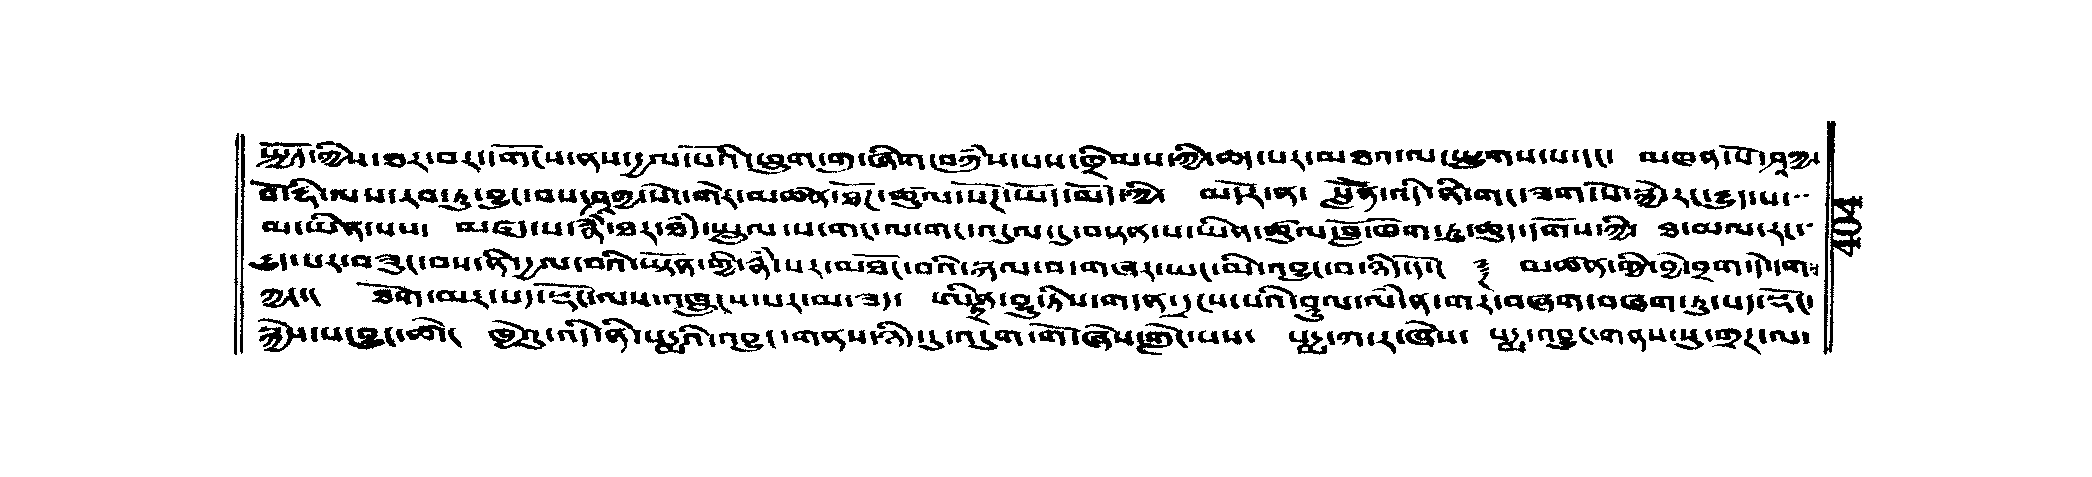སྤྱོད་ཀྱིས་ཐར་བར་དགོངས་ནས་རྒྱལ་པོའི་ཕྲུ་གུ་ཞིག་བཀུམས་པས་ཁྲིམས་ཀྱི།ཆད་པར་མཐའ་ལ་སྤྲུགས་པ་དང་། མཁན་པོ་ཤཱཀྱ་
བྷོ་དྷི་ལས་རབ་ཏུ་བྱུང་བས་ཤཱཀྱ་སེང་གེར་མཚན་ཐོགས་ཚུལ་སོགས་ཡོད་མོད་ཀྱི། མདོར་ན། སློབ་དཔོན་འདི་ནི་གང་ཟག་སོ་སྐྱེ་རང་རྒྱུད་པ་
མ་ཡིན་པས། མཛད་པ་རྣམ་ཐར་ཐམས་ཅད་སྤྲུལ་པ་གང་ལ་གང་འདུལ་དུ་བསྟན་པ་ཡིན་ཚུལ་བློ་ཁོག་ཏུ་ཆུད་དགོས་ཀྱི། ཐ་མལ་རང་
རྒྱུད་པར་བཟུང་བས་ནི་རྒྱལ་བའི་ཡོན་ཏན་གྱི་རྣམ་པར་མཐོང་བའི་སྐལ་བ་གཞར་ཡང་མི་འབྱུང་བ་ཉིད་དོ། ༈ མཚན་གྱིས་བྱེ་བྲག་དེ་དག་
ཀྱང་། ཐོག་མར་པད་སྡོང་ལས་འཁྲུངས་པར་མ་ཟད། ཨིནྟྲ་བྷུ་ཏིས་གདན་དྲངས་པའི་ཤུལ་ལམ་ན་གར་བཞག་བཞག་ཏུ་པད་སྡོང་
སྐྱེས་པ་བྱུང་ཚེ། ཁྱེའུ་འདི་ནི་པདྨའི་འབྱུང་གནས་ཉིད་དུ་འདུག་གོ་ཞེས་གླེང་པས།པདྨ་ཀ་ར་ཞེས། པདྨ་འབྱུང་གནས་སུ་གྲགས་ལ།